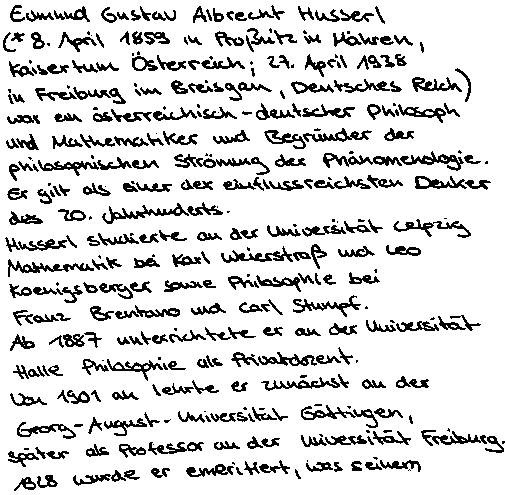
Edmund Gustav Albrecht Husserl
(* 8. April 1859 in Proßnitz Mähren,
Kaisertum Österreich; 27. April 1938
in Freiburg im Breisgau, Deutsches Reich)
war ein österreichisch-deutscher Philosoph
und Mathematiker und Begründer der
philosophischen Strömung der Phänomenologie.
Er gilt als einer der einflussreichsten Denker
des 20. Jahrhunderts.
Husserl studierte an der Universität Leipzig
Mathematik bei Karl Weierstraß und Leo
Koenigsberger sowie Philosophie bei
Franz Brentano und Carl Stumpf.
Ab 1887 unterrichtete er an der Universität
Halle Philosophie als Privatdozent.
Von 1901 an lehrte er zunächst an der
Georg-August-Universität Göttingen,
später als Professor an der Universität Freiburg.
1928 wurde er emeritiert, was seinem
